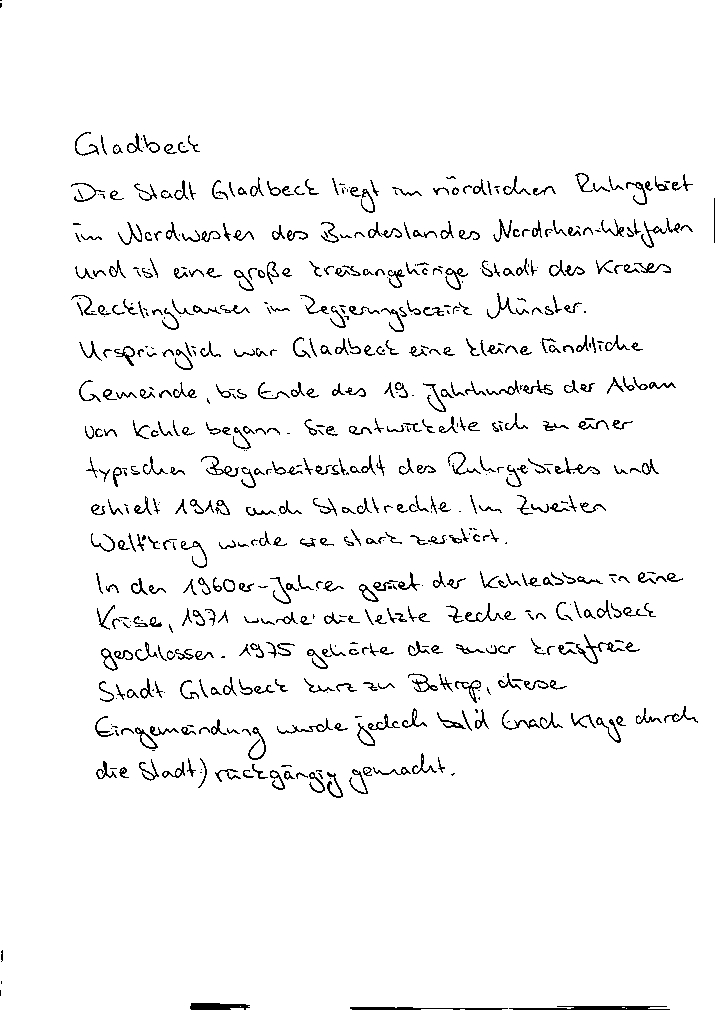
Gladbeck
Die Stadt Gladbeck liegt im nördlichen Ruhrgebiet
im Nordwesten des Bundeslandes Nordrhein-Westfalen
und ist eine große kreisangehörige Stadt des Kreises
Recklinghausen im Regierungsbezirk Münster.
Ursprünglich war Gladbeck eine kleine ländliche
Gemeinde, bis Ende des 19. Jahrhunderts der Abbau
von Kohle begann. Sie entwickelte sich zu einer
typischen Bergarbeiterstadt des Ruhrgebietes und
erhielt 1919 auch Stadtrechte. Im Zweiten
Weltkrieg wurde sie stark zerstört.
In den 1960er-Jahren geriet der Kohleabbau in eine
Krise, 1971 wurde die letzte Zeche in Gladbeck
geschlossen. 1975 gehörte die zuvor kreisfreie
Stadt Gladbeck kurz zu Bottrop, diese
Eingemeindung wurde jedoch bald (nach Klage durch
die Stadt) rückgängig gemacht,
